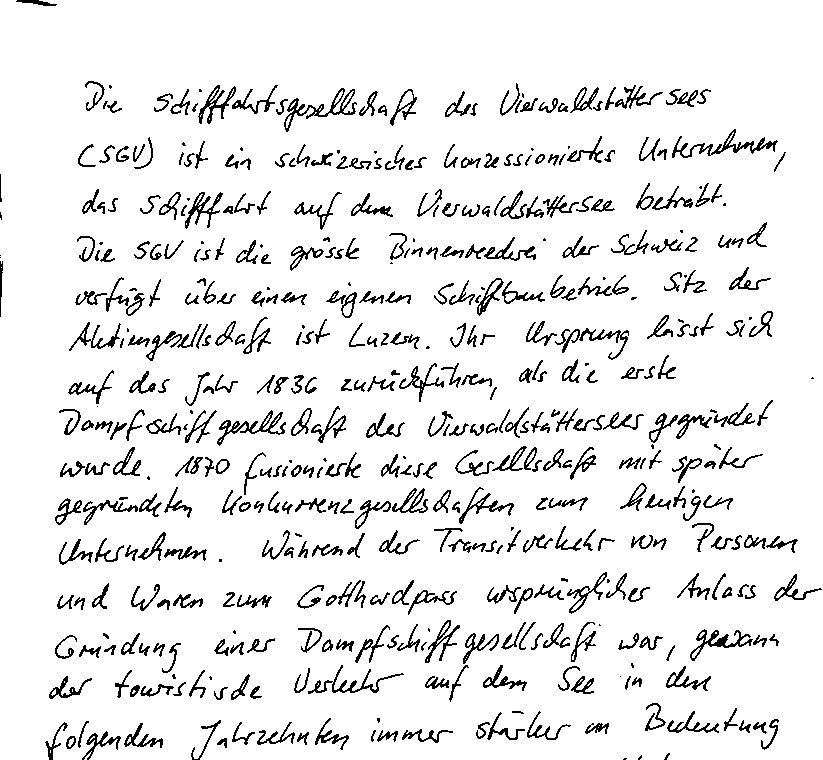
Die Schifffahrtsgesellschaft des Vierwaldstättersees
(SGV) ist ein schweizerisches konzessioniertes Unternehmen,
das Schifffahrt auf dem Vierwaldstättersee betreibt.
Die SGV ist die grösste Binnenreederei der Schweiz und
verfügt über einen eigenen Schiffbaubetrieb. Sitz der
Aktiengesellschaft ist Luzern. Ihr Ursprung lässt sich
auf das Jahr 1836 zurückführen, als die erste
Dampfschiffgesellschaft des Vierwaldstättersees gegründet
wurde. 1870 fusionierte diese Gesellschaft mit später
gegründeten Konkurrenzgesellschaften zum heutigen
Unternehmen. Während der Transitverkehr von Personen
und Waren zum Gotthardpass ursprünglicher Anlass der
Gründung einer Dampfschiffgesellschaft war, gewann
der touristische Verkehr auf dem See in den
folgenden Jahrzehnten immer stärker an Bedeutung
